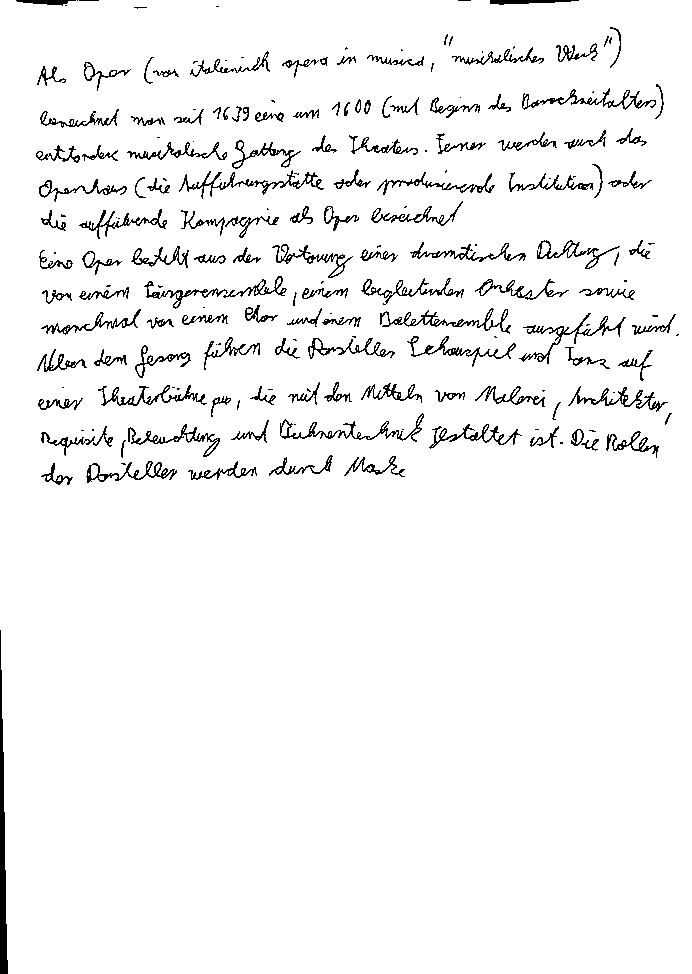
Als Oper (von italienisch opera in musica, "musikalisches Werk")
bezeichnet man seit 1639 eine um 1600 (mit Beginn des Barockzeitalters)
entstandene musikalische Gattung des Theaters. Ferner werden auch das
Opernhaus (die Aufführungsstätte oder produzierende Institution) oder
die aufführende Kompagnie als Oper bezeichnet.
Eine Oper besteht aus der Vertonung einer dramatischen Dichtung, die
von einem Sängerensemble, einem begleitenden Orchester sowie
manchmal von einem Chor und einem Ballettensemble ausgeführt wird.
Neben dem Gesang führen die Darsteller Schauspiel und Tanz auf
einer Theaterbühne aus, die mit den Mitteln von Malerei, Architektur,
Requisite Beleuchtung und Bühnentechnik gestaltet ist. Die Rollen
der Darsteller werden durch Maske
